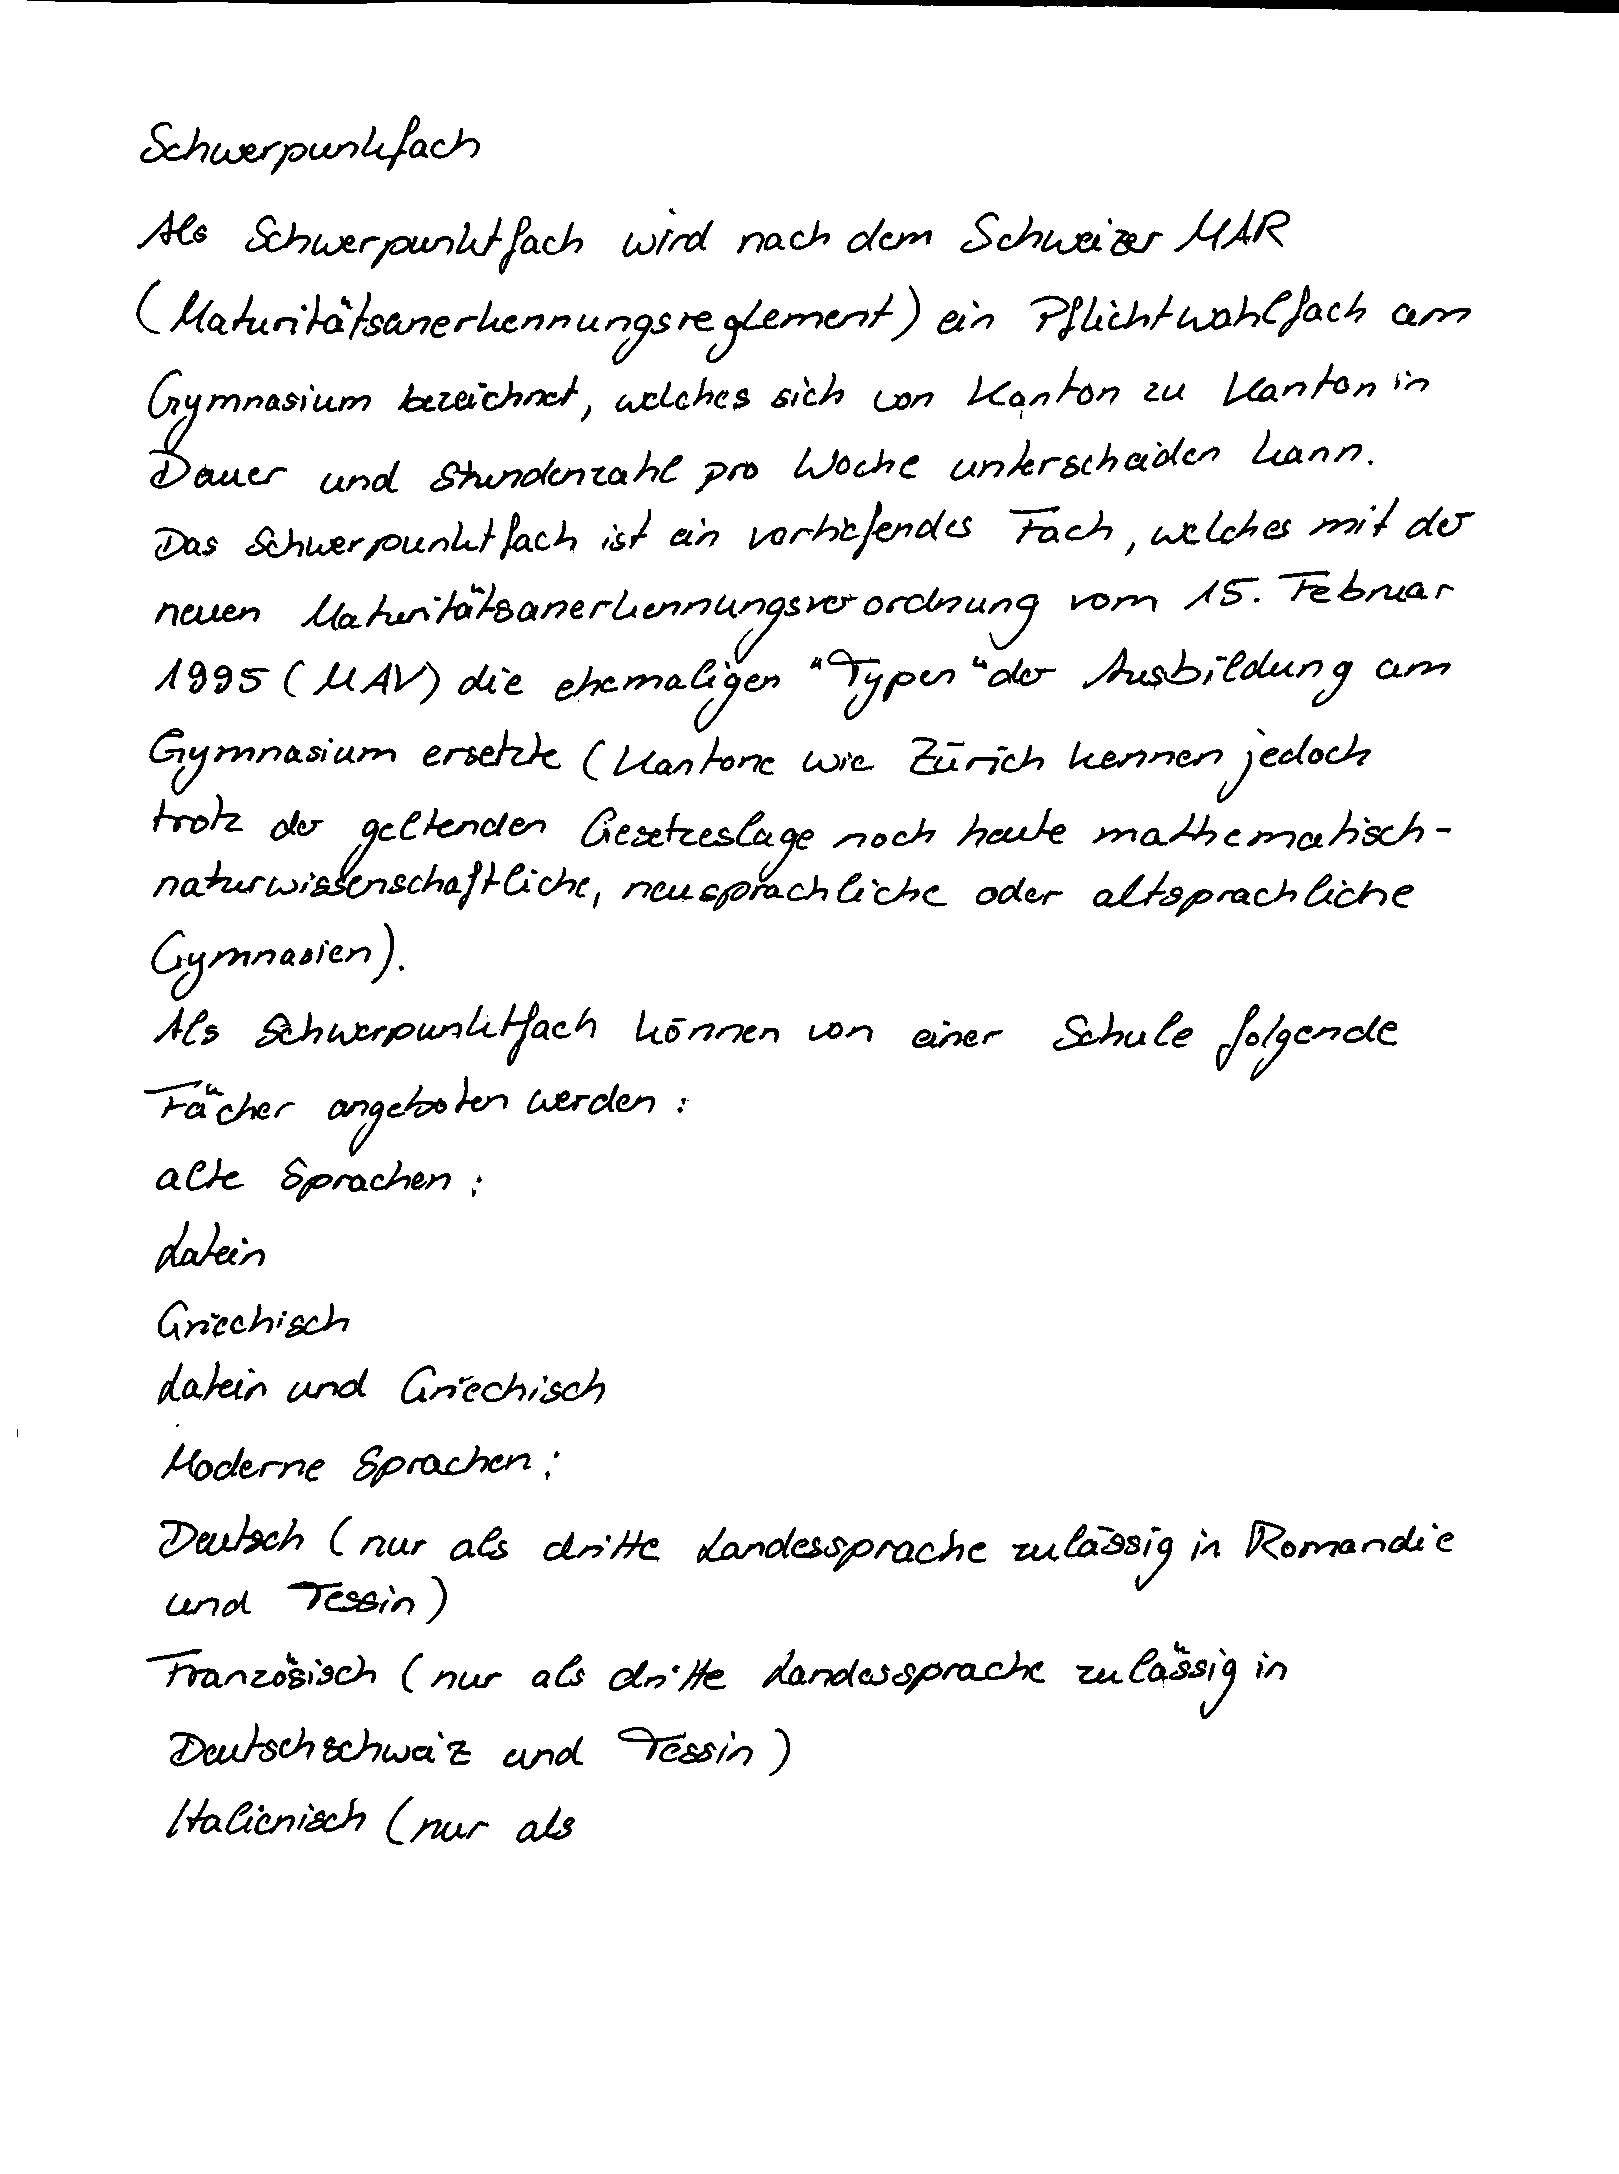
Schwerpunktfach
Als Schwerpunktfach wird nach dem Schweizer MAR
(Maturitätsanerkennungsreglement) ein Pflichtwahlfach am
Gymnasium bezeichnet, welches sich von Kanton zu Kanton in
Dauer und Stundenanzahl pro Woche unterscheiden kann.
Das Schwerpunktfach ist ein vertiefendes Fach, welches mit der
neuen Maturitätsanerkennungsverordnung vom 15. Februar
1995 (MAV) die ehemaligen "Typen" der Ausbildung am
Gymnasium ersetzte (Kantone wie Zürich kennen jedoch
trotz der geltenden Gesetzeslage noch heute mathematisch-
naturwissenschaftliche, neusprachliche oder altsprachliche
Gymnasien).
ls Schwerpunktfach können von einer Schule folgende
Fächer angeboten werden:
alte Sprachen:
Latein
Griechisch
Latein und Griechisch
Moderne Sprachen:
Deutsch (nur als dritte Landessprache zulässig in Romandie
und Tessin)
Französisch (nur als dritte Landessprache zulässig in
Deutschschweiz und Tessin)
Italienisch (nur als
